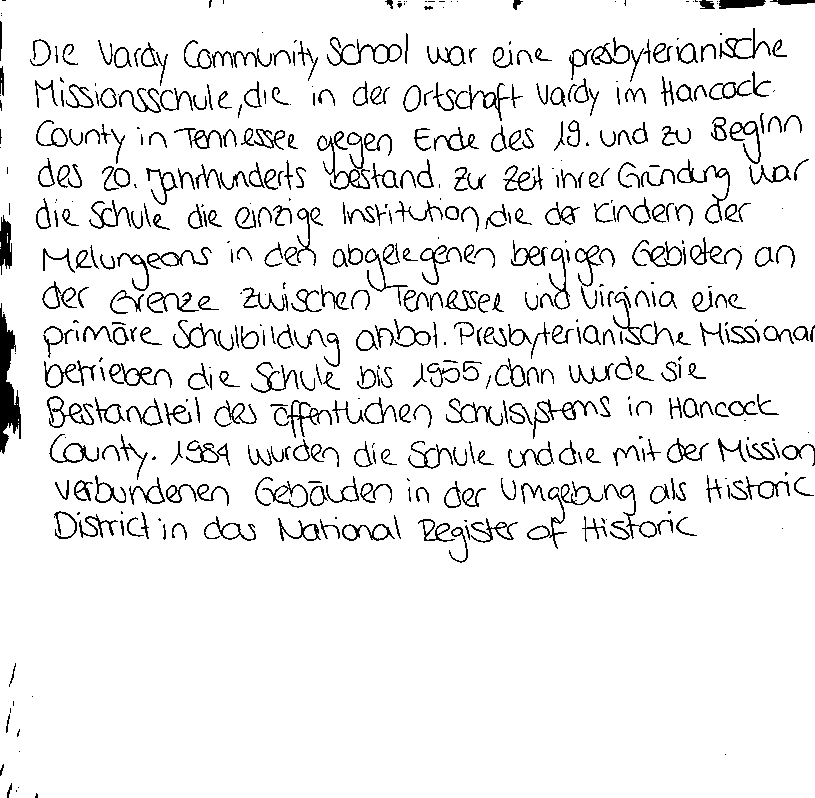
Die Vardy Community School war eine presbyterianische
Missionsschule, die in der Ortschaft Vardy im Hancock
County in Tennessee gegen Ende des 19. und zu Beginn
des 20. Jahrhunderts bestand. Zur Zeit ihrer Gründung war
die Schule die einzige Institution die der Kindern der
Melungeons in den abgelegenen bergigen Gebieten an
der Grenze zwischen Tennessee und Virginia eine
primäre Schulbildung anbot. Presbyterianische Missionare
betrieben die Schule bis 1955, dann wurde sie
Bestandteil des öffentlichen Schulsystems in Hancock
County. 1984 wurden die Schule und die mit der Mission
Verbundenen Gebäuden in der Umgebung als Historic
District in das National Register of Historic
